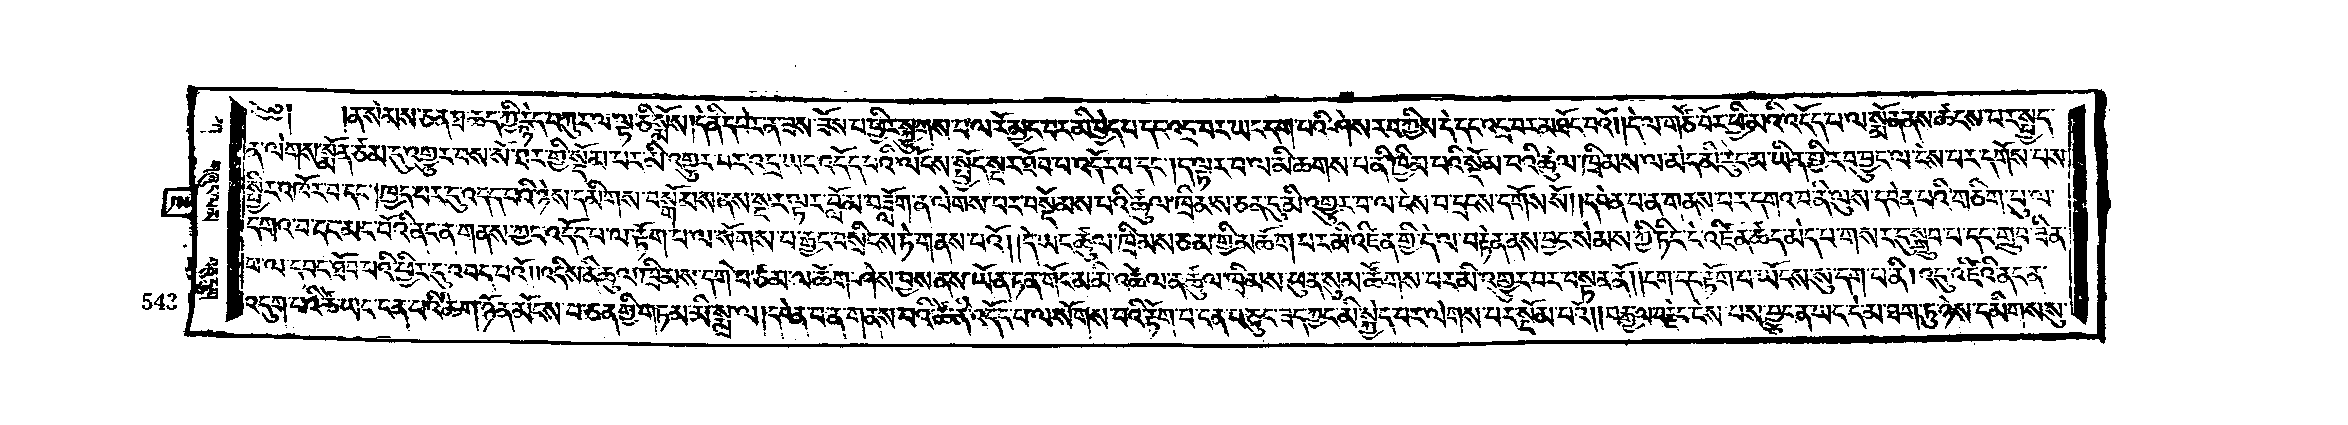༄༅། །ན་སེམས་ཅན་ཐ་ཆད་ཀྱི་རྙེད་བཀུར་ལ་ལྟ་ཅི་སྨོས། དེ་ནི་དཔེར་ན་ཟས་ཟོས་པ་ཕྱིར་སྐྱུགས་པ་ལ་རོ་མྱང་བར་མི་བྱེད་པ་དང་འདྲ་བར་ཡང་དག་པའི་ཤེས་རབ་ཀྱིས་དེ་དང་འདྲ་བར་མཐོང་བའོ། །དེ་ལ་གཙོ་བོར་ཕྱི་མའི་འདོད་པ་ལ་སྨོན་ནས་ཚངས་པར་སྤྱད་
ན་ལེགས་སྨོན་ཙམ་དུ་འགྱུར་བས་སོ་ཐར་གྱི་སྡོམ་པར་མི་འགྱུར་པར་འདྲ་ཡང་འདོད་པའི་ལོངས་སྤྱོད་སྔར་ཐོབ་པ་འདོར་བ་དང་། ད་ལྟར་བ་ལ་མི་ཆགས་པ་ནི་ཁྱིམ་པའི་སྡོམ་པའི་ཚུལ་ཁྲིམས་ལ་མེད་མི་རུང་མ་ཡིན་གྱི་རབ་བྱུང་ལ་ངེས་པར་དགོས་པས་
སྤྱིར་འཁོར་བ་དང་། ཁྱད་པར་དུ་འདད་པའི་ཉེས་དམིགས་བསྒོམས་ནས་སྔར་ལྟར་བློ་མ་བཟློག་ན་ལེགས་པར་བསྡོམས་པའི་ཚུལ་ཁྲིམས་ཅན་དུ་མི་འགྱུར་བ་ལ་ངེས་པ་དྲངས་དགོས་སོ། །དབེན་པ་ན་གནས་པར་དགའ་བ་ནི་ལུས་དབེན་པའི་གཅིག་པུ་ལ་
དགའ་བ་དང་མང་པོའི་ནང་ན་གནས་ཀྱང་འདོད་པ་ལ་རྟོག་པ་ལ་སོགས་པ་རྒྱང་བསྲིངས་ཏེ་གནས་པའོ། །དེ་ཡང་ཚུལ་ཁྲིམས་ཙམ་གྱི་མཆོག་པར་མི་འཛིན་གྱི་དེ་ལ་བརྟེན་ནས་བྱང་སེམས་ཀྱི་ཏིང་ངེ་འཛིན་ཚད་མེད་པ་གསར་དུ་སྒྲུབ་པ་དང་གྲུབ་ཟིན་
པ་ལ་དབང་ཐོབ་པའི་ཕྱིར་དུ་འབད་པའོ། །འདིས་ནི་ཚུལ་ཁྲིམས་དགེ་བ་ཙམ་ལ་ཆོག་ཤེས་བྱས་ནས་ཡོན་ཏན་གོང་མ་མི་འཚེལ་ན་ཚུལ་ཁྲིམས་ཕུན་སུམ་ཚོགས་པར་མི་འགྱུར་བར་བསྟན་ནོ། །ངག་དང་རྟོག་པ་ཡོངས་སུ་དག་པ་ནི། འདུ་འཛིའི་ནང་ན་
འདུག་པའི་ཚེ་ཡང་ངན་པའི་ཚིག་ཉོན་མོངས་པ་ཅན་གྱི་གཏམ་མི་སྨྲ་ལ། དབེན་པ་ན་གནས་པའི་ཚེ་ནི་འདོད་པ་ལ་སོགས་པའི་རྟོག་པ་ངན་པ་ཅུང་ཟད་ཀྱང་མི་སྐྱེད་པར་ལེགས་པར་སྡོམ་པའོ། །བརྒྱ་ལ་བརྗེད་ངེས་པས་བྱུང་ན་ཡང་དེ་མ་ཐག་ཏུ་ཉེས་དམིགས་སུ་